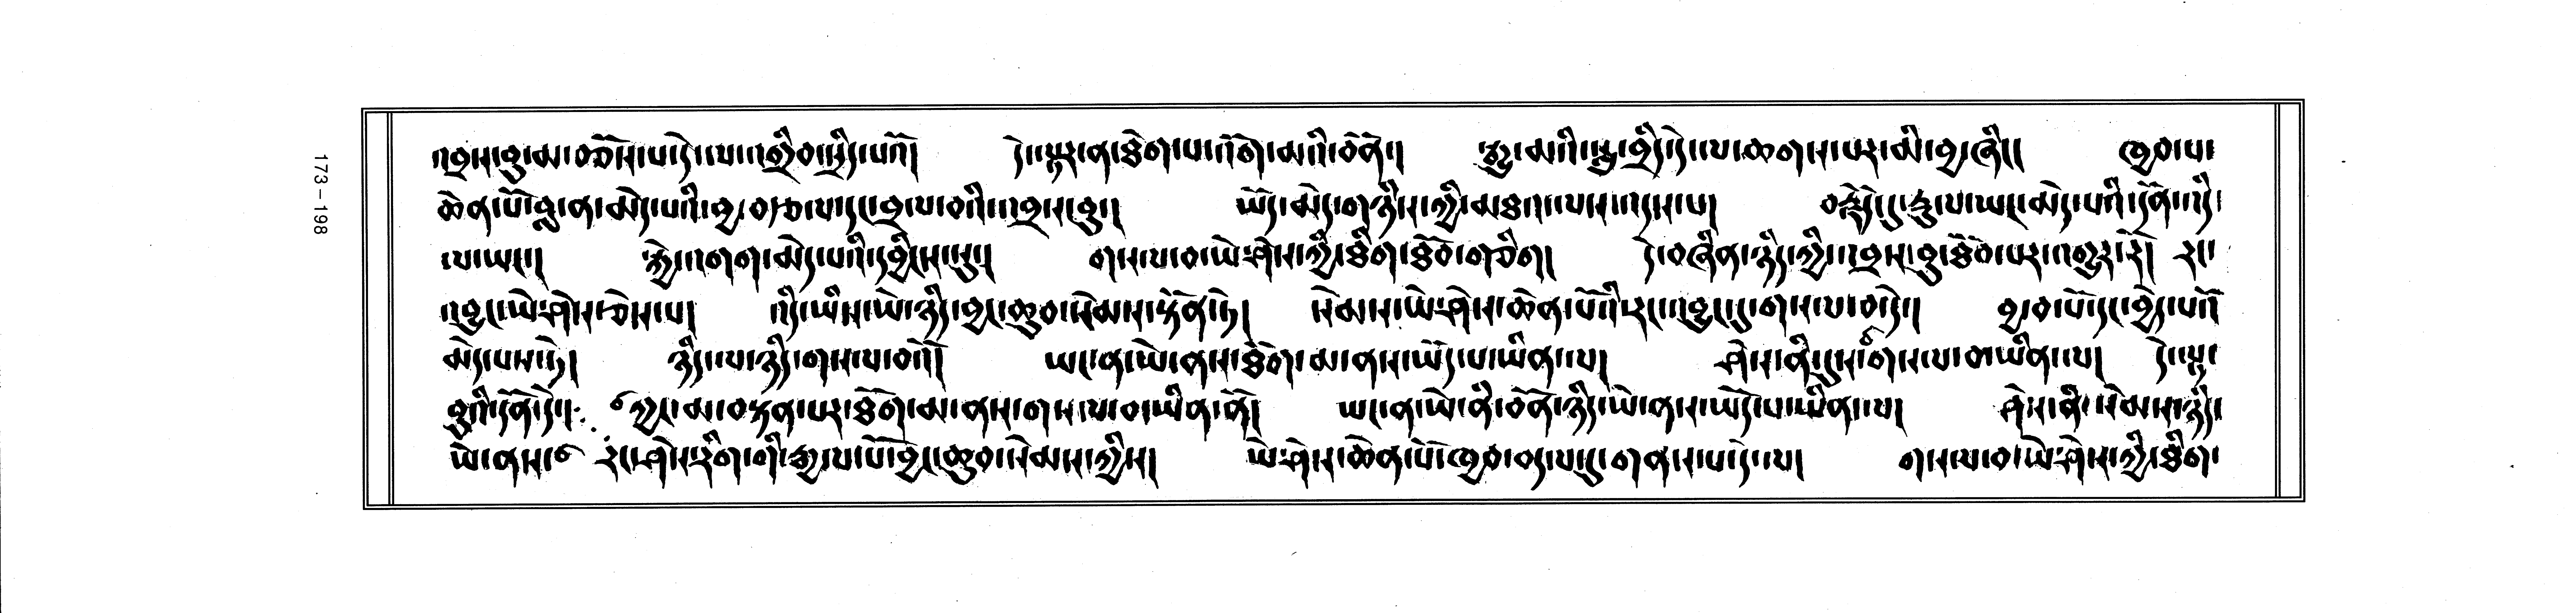འབྲས་བུ་མ་བཅོས་པ་ལ་དེ་ལ་འགྲིབ་པ་སྲིད་པའོ། །དེ་ལྟར་ན་ཐེག་པ་འོག་མའི་བོན། སྒྱུ་མའི་བསླུ་བྲིད་དེ་ལ་ཆགས་པར་མི་བྱ་ཞིང་། ཁྱབ་པ་
ཆེན་པོ་བླ་ན་མེད་པའི་བྱ་རྩལ་དང་བྲལ་བའི་འབྲས་བུ། ཡོད་མེད་གཉིས་ཀྱི་མཐའ་ལས་འདས་པ། བརྗོད་དུ་རྡུལ་ཡང་མེད་པའི་དོན་འདི་
ལ་ཡང་། སྐྱེ་འགག་མེད་པའི་དབྱིངས་སུ། གསལ་བ་ཡེ་ཤེས་ཀྱི་ཐིག་ཐོབ་ཅིག དེ་བཞིན་ཉིད་ཀྱི་འབྲས་བུ་ཐོབ་པར་འགྱུར་རོ། །རང་
འབྱུང་ཡེ་ཤེས་ཅེས་པ། འདི་ཡིས་ཡེ་ཉིད་བྱང་ཆུབ་སེམས་སྟོན་ཏེ། སེམས་ཡེ་ཤེས་ཆེན་པོའི་རང་འབྱུང་དུ་གསལ་བ་དེ་ལ་བྱ་བ་པོ་དང་བྱེད་པ་པོ་
མེད་པས་ཏེ། ཉིད་ལ་ཉིད་གསལ་བའོ། །ཡང་ན་ཡེ་ནས་ཐོག་མ་ནས་ཡོད་པ་ཡིན་ལ། ཤེས་ནི་དུས་གསལ་བ་ལ་ཡིན་པ་ དེ་ལྟ་
བུའི་དོན་དེ་ ཀྱང་མ་བསྟན་པར་ཐོག་མ་ནས་གསལ་བ་ཡིན་ནོ། ཡང་ན་ཡེ་ནི་བོན་ཉིད་ཡེ་ནས་ཡོད་པ་ཡིན་ལ། ཤེས་ནི་སེམས་ཉིད་
ཡེ་ནས་གསལ་བ་ཡིན་ལ། དེ་ལྟ་བུའི་དོན་དེ་རང་ཤེས་རིག་གི་རྒྱལ་པོ་བྱང་ཆུབ་སེམས་ཀྱིས། ཡེ་ཤེས་ཆེན་པོ་ཁྱབ་བདལ་དུ་གནས་པ་དེ་ལ། གསལ་བ་ཡེ་ཤེས་ཀྱི་ཐིག་